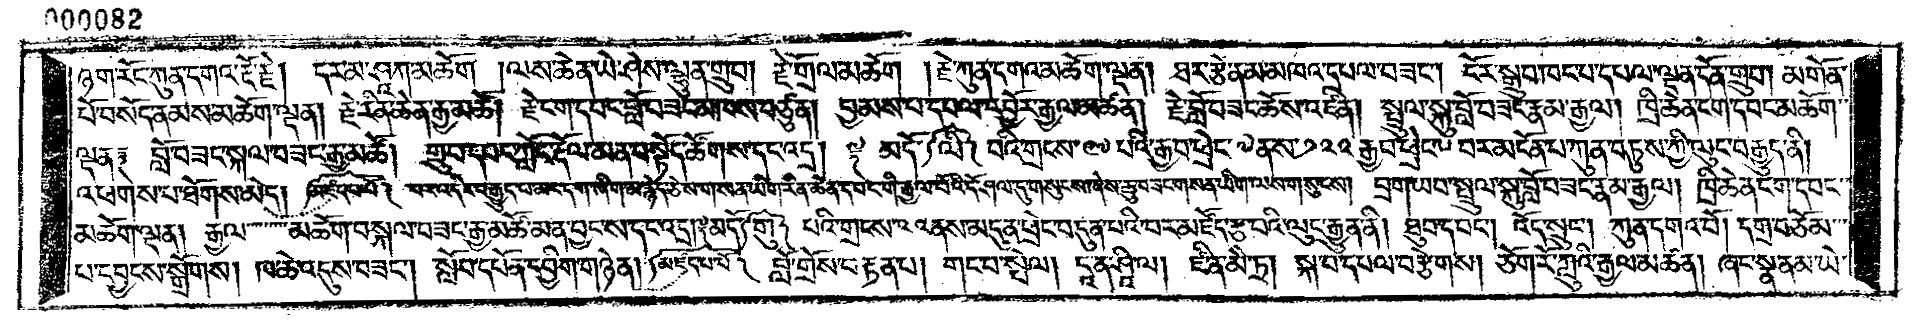ཉག་རོང་ཀུན་དགའ་རྡོ་རྗེ། དར་མ་ཤཱཀ་མཆོག །ལས་ཆེན་ཡེ་ཤེས་ལྷུན་གྲུབ། རྗེ་གྲོལ་མཆོག །རྗེ་ཀུན་དགའ་མཆོག་ལྡན། ཐར་རྩེ་ནམ་མཁའ་དཔལ་བཟང་། དོར་སྒྲུབ་ཁང་པ་དཔལ་ལྡན་དོན་གྲུབ། མགོན་
པོ་བསོད་ནམས་མཆོག་ལྡན། རྗེ་རིན་ཆེན་རྒྱ་མཚོ། རྗེ་ངག་དབང་བློ་བཟང་མཁས་བཙུན། བྱམས་པ་དཔལ་འབྱོར་རྒྱལ་མཚན། རྗེ་བློ་བཟང་ཆོས་འཛིན། སྤྲུལ་སྐུ་བློ་བཟང་རྣམ་རྒྱལ། ཁྲི་ཆེན་ངག་དབང་མཆོག་
ལྡན༑ བློ་བཟང་སྐལ་བཟང་རྒྱ་མཚོ། གྲུབ་དབང་ཀློང་རྡོལ་མན་བསྟོད་ཚོགས་དང་འདྲ། ༈ མདོ ༼ལི༽ པའི་གྲངས ༩༧་པའི་རྒྱབ་ཕྲེང ༧་ནས ༡༢༢་རྒྱབ་ཕྲེང ༥་བར་མངོན་པ་ཀུན་བཏུས་ཀྱི་ལུང་བརྒྱུད་ནི།
འཕགས་པ་ཐོགས་མེད་༼མཛད་པ་པོ༽་བར་འདིར་བརྒྱུད་པ་མང་དག་ཞིག་མ་རྙེད་ཅེས་གསན་ཡིག་རིན་ཆེན་དབང་གི་རྒྱལ་པོའི་དོ་ཤལ་དུ་གསུངས་ཞེས་ཆུ་བཟང་གསན་ཡིག་ལས་གསུངས། བྲག་ཡབ་སྤྲུལ་སྐུ་བློ་བཟང་རྣམ་རྒྱལ། ཁྲི་ཆེན་ངག་དབང་
མཆོག་ལྡན། རྒྱལ་མཆོག་བསྐལ་བཟང་རྒྱ་མཚོ་མན་བྱང་ས་དང་འདྲ། ༈ མདོ ༼གུ༽ པའི་གྲངས ༢༢་ནས་མདུན་ཕྲེང་བདུན་པའི་བར་མཛོད་རྩ་བའི་ལུང་རྒྱུན་ནི། ཐུབ་དབང་། འོད་སྲུང་། ཀུན་དགའ་བོ། དགྲ་བཅོམ་
པ་དབྱངས་སྒྲོགས། ཁ་ཆེ་འདུས་བཟང་། སློབ་དཔོན་དབྱིག་གཉེན་༼མཛད་པ་པོ༽་བློ་གྲོས་བརྟན་པ། གང་བ་སྤེལ། དཱ་ན་ཤཱི་ལ། ཛི་ན་མཻ་ཏྲ། སྐ་བ་དཔལ་བརྩེགས། ཅོག་རོ་ཀླུའི་རྒྱལ་མཚན། ཞང་སྣ་ནམ་ཡེ་